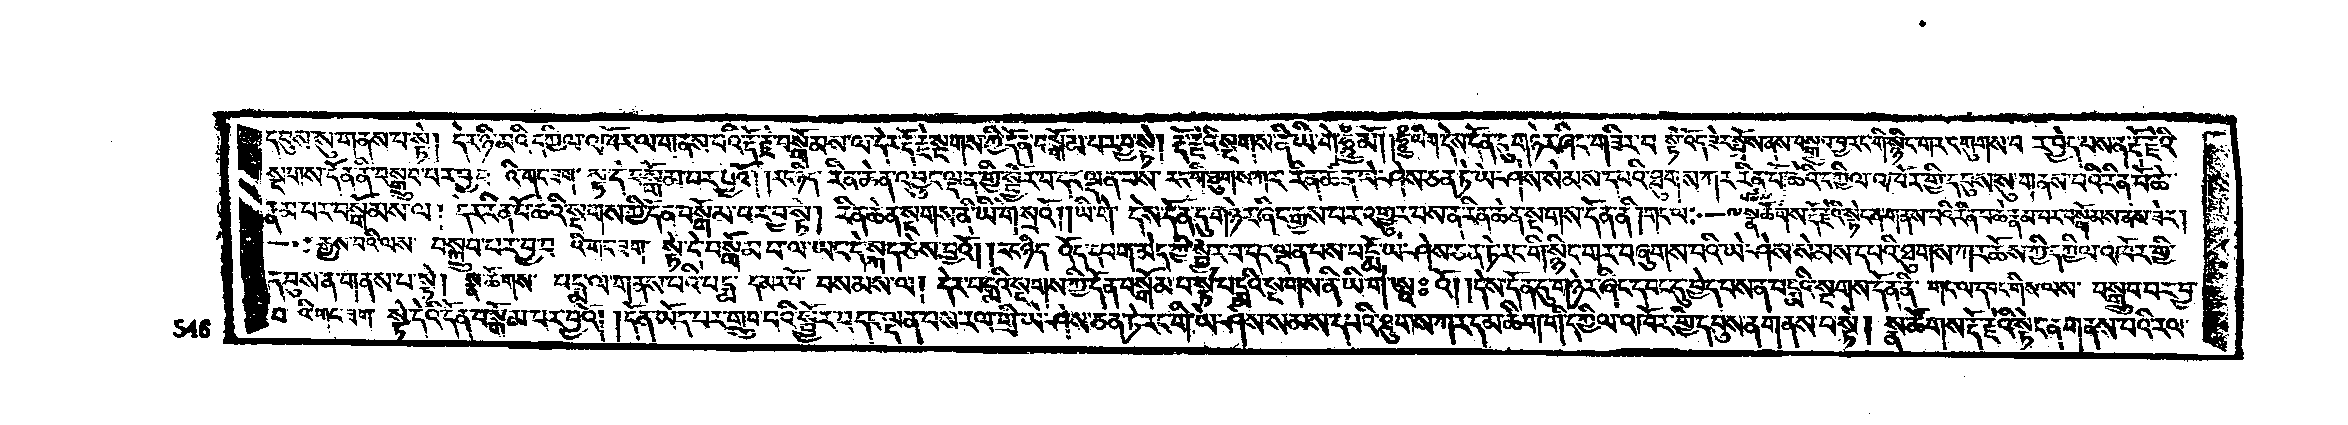དབུས་སུ་གནས་པ་སྟེ། དེར་ཉི་མའི་དཀྱིལ་འཁོར་ལ་གནས་པའི་རྡོ་རྗེ་བསྒོམས་ལ་དེར་རྡོ་རྗེ་སྔགས་ཀྱི་དོན་བསྒོམ་པར་བྱ་སྟེ། རྡོ་རྗེའི་སྔགས་ནི་ཡི་གེ་ཧཱུཾ་མོ། །ཧཱུཾ་ཡིག་དེས་དོན་དུ་གཉེར་ཞིང་གཟིར་བ་སྟེ་འོད་ཟེར་སྤྲོས་ནས་བསྒྲུབ་བྱ་རང་གི་སྙིང་གར་འགུགས་པར་བྱེད་པས་ན་རྡོ་རྗེའི་
སྔགས་དོན་ནི་བསྒྲུབ་པར་བྱ་བའི་གང་ཟག་སྟེ་དེ་བསྒོམ་པར་བྱའོ། །རང་ཉིད་རིན་ཆེན་འབྱུང་ལྡན་གྱི་སྦྱོར་བ་དང་ལྡན་པས་རང་གི་ཐུགས་ཀར་རིན་ཆེན་ཡེ་ཤེས་ཅན་ཏེ་ཡེ་ཤེས་སེམས་དཔའི་ཐུགས་ཀར་རིན་པོ་ཆེའི་དཀྱིལ་འཁོར་གྱི་དབུས་སུ་གནས་པའི་རིན་པོ་ཆེ་
རྣམ་པར་བསྒོམས་ལ། དེར་རིན་པོ་ཆེའི་སྔགས་ཀྱི་དོན་བསྒོམ་པར་བྱ་སྟེ། རིན་ཆེན་སྔགས་ནི་ཡི་གེ་སྲའོ། །ཡི་གེ་དེས་དོན་དུ་གཉེར་ཞིང་རྒྱས་པར་འགྱུར་བས་ན་རིན་ཆེན་སྔགས་དོན་ནི། གང་ལཿ་༧་པ་ཚབ་སྣ་ཚོགས་རྡོ་རྗེའི་སྟེང་ན་གནས་པའི་རིན་པོ་ཆེ་རྣམ་པར་བསྒོམས་ནས་ཟེར།
.Hརྒྱས་པའི་ལས་བསྒྲུབ་པར་བྱ་བའི་གང་ཟག་སྟེ་དེ་བསྒོམ་པ་ལ་ཡང་དེ་སྐད་ཅེས་བྱའོ། །རང་ཉིད་འོད་དཔག་མེད་ཀྱི་སྦྱོར་བ་དང་ལྡན་པས་པདམོ་ཡེ་ཤེས་ཅན་ཏེ་རང་གི་སྙིང་གར་བཞུགས་པའི་ཡེ་ཤེས་སེམས་དཔའི་ཐུགས་ཀར་ཆོས་ཀྱི་དཀྱིལ་འཁོར་གྱི་
དབུས་ན་གནས་པ་སྟེ། སྣ་ཚོགས་པདམ་ལ་གནས་པའི་པདམ་དམར་པོ་བསམས་ལ། དེར་པདམའི་སྔགས་ཀྱི་དོན་བསྒོམ་པ་སྟེ་པདམའི་སྔགས་ནི་ཡི་གེ་ཨཱཿ འོ། །དེས་དོན་དུ་གཉེར་ཞིང་དབང་དུ་བྱེད་པས་ན་པདམའི་སྔགས་དོན་ནི་གང་ལ་དབང་གིས་ལས་བསྒྲུབ་པར་བྱ་
བའི་གང་ཟག་སྟེ་དེའི་དོན་བསྒོམ་པར་བྱའོ། །དོན་ཡོད་པར་གྲུབ་པའི་སྦྱོར་བ་དང་ལྡན་པས་རལ་གྲི་ཡེ་ཤེས་ཅན་ཏེ་རང་གི་ཡེ་ཤེས་སེམས་དཔའི་ཐུགས་ཀར་དམ་ཚིག་གི་དཀྱིལ་འཁོར་གྱི་དབུས་ན་གནས་པ་སྟེ། སྣ་ཚོགས་རྡོ་རྗེའི་སྟེང་ན་གནས་པའི་རལ་